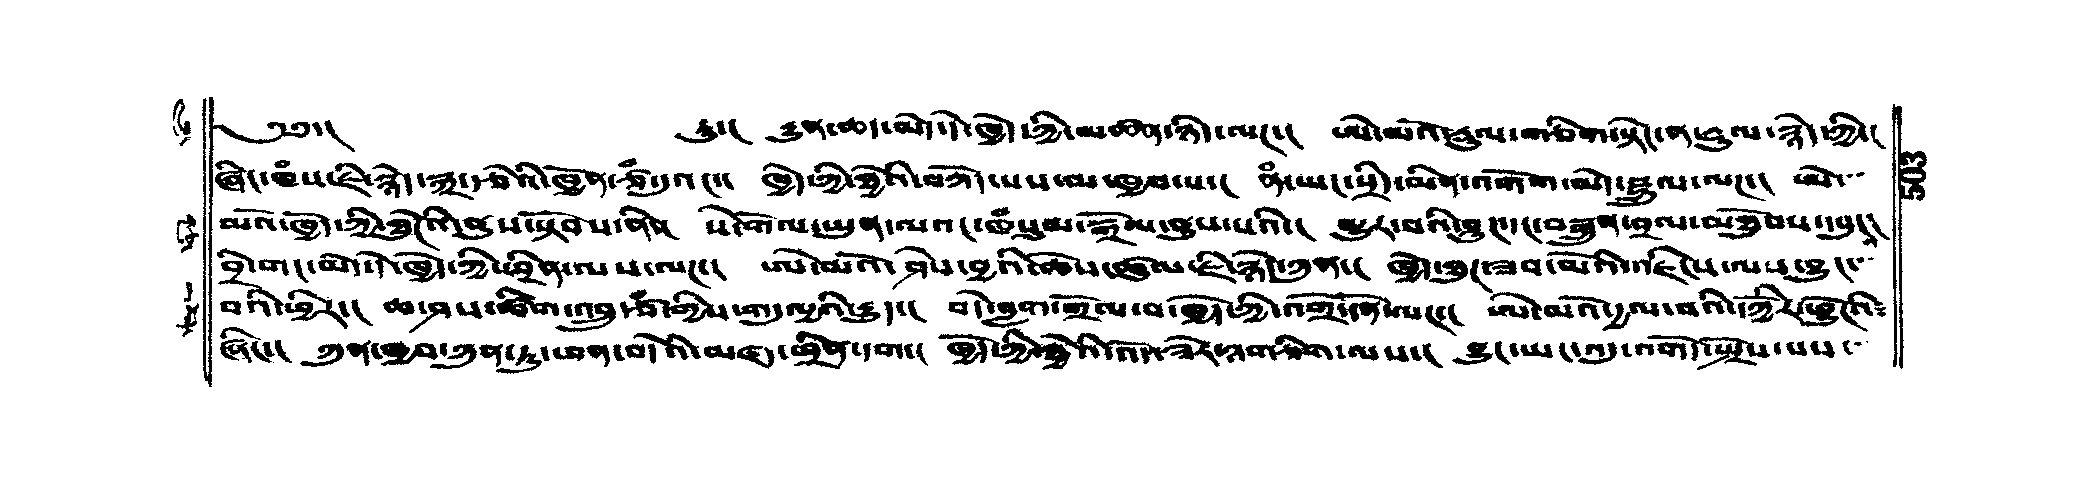ཏུ། །རྒྱུན་ཆད་མེད་དེ་ཁྱེད་ཀྱི་མཚན་ཉིད་ལགས། །ཨེ་མའོ་རྡུལ་གཅིག་སྟེང་ན་རྡུལ་སྙེད་ཀྱི། །
ཞིང་ཁམས་་ཇི་སྙེད་སྐྲ་རྩེའི་ཁྱོན་ཙམ་དུའང་། །ཁྱེད་ཀྱི་ཐུགས་རྗེའི་བཀོད་པས་མ་ཁྱབ་པ། །ནམ་ཡང་སྲིད་མིན་འགོག་མེད་རྫུ་འཕྲུལ་ལགས། །ཨེ་
མའོ་ཁྱོད་ཀྱི་ཐུགས་རྗེའི་ནུས་སྟོབས་ནི། །སེ་གོལ་ཡུན་ལའང་ཁམས་གསུམ་སྒྲོལ་ནུས་པའི། །མྱུར་བའི་ཤུགས་དང་བསྒྲུན་བྲལ་མཐུ་སྟོབས་དཔུང་། །
བྲི་གང་མེད་དེ་ཁྱོད་ཀྱི་ཕྲིན་ལས་ལགས། །ཨེ་མ་ཧོ་ཤེས་བྱའི་ཆོས་ཚུལ་ཇི་སྙེད་ཀུན། །ཁྱེད་ཐུགས་ཟབ་མོའི་འཇིངས་ལས་བྱུང་
བའི་ཕྱིར། །ཆ་ཤས་ཚིག་འབྲུ་ཙམ་གྱིས་གདུལ་བྱའི་རྒྱུད། །བདེ་སླག་གྲོལ་བ་ཁྱོད་ཀྱི་འགྲོ་དོན་ལགས། །ཨེ་མའོ་རྒྱལ་བའི་དཀྱིལ་འཁོར་ཕྱོགས་བཅུའི་
ཞིང་། །ཀུན་ཁྱབ་ཀུན་ཏུ་ཕན་བདེའི་མཛད་ཕྲིན་དག་།ཁྱོད་ཀྱི་ཐུགས་རྗེའི་འོད་ཟེར་ཉག་གཅིག་ལས། །བྱུང་ཡང་འདུ་འགོད་སྤྲོས་པས་